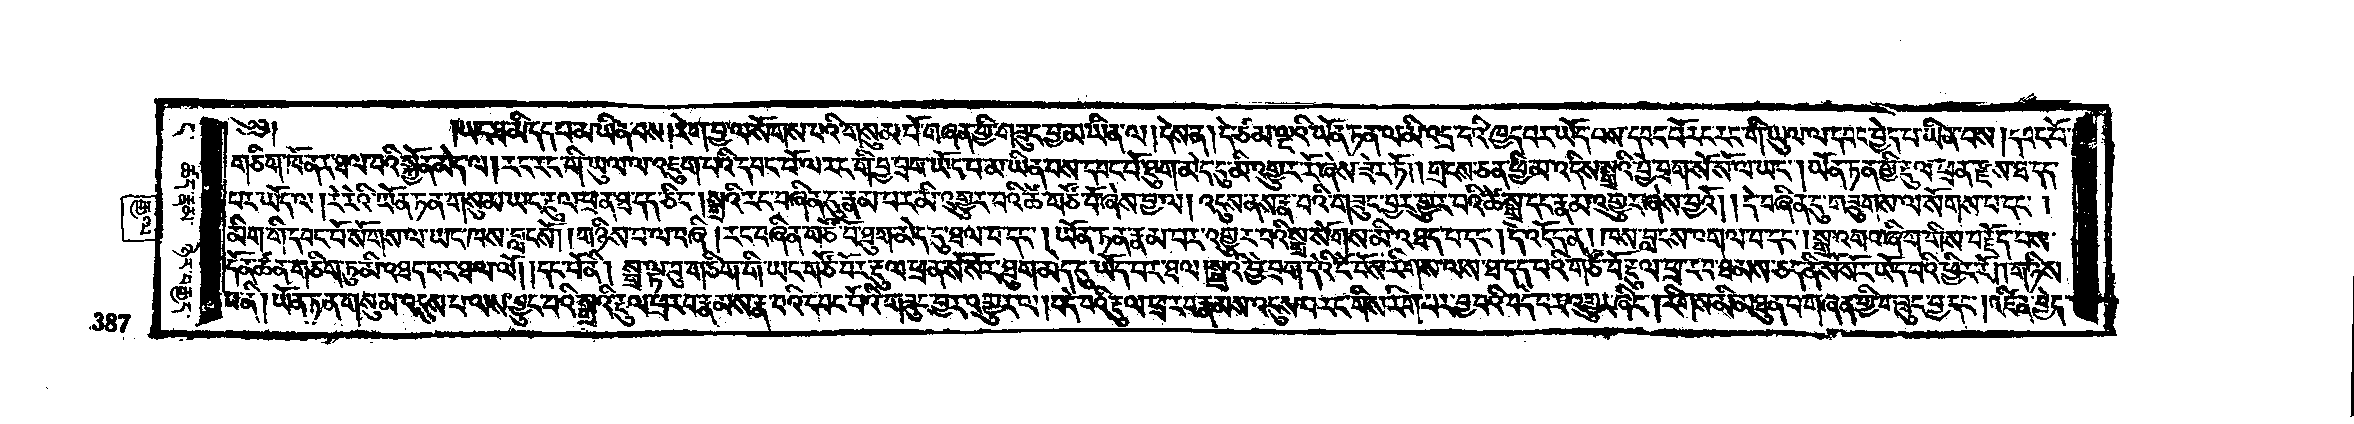༄༅། །ཡང་ཐ་མི་དད་པ་མ་ཡིན་པས། རེག་བྱ་ལ་སོགས་པའི་གསུམ་པོ་གཞན་གྱི་གཟུང་བྱ་མ་ཡིན་ལ། དེས་ན། དེ་ཙམ་ལྔའི་ཡོན་ཏན་ལ་མི་འདྲ་བའི་ཁྱད་པར་ཡོད་པས་དབང་པོ་རང་རང་གི་ཡུལ་ལ་དབང་བྱེད་པ་ཡིན་པས། དབང་པོ་
གཅིག་ཁོ་ནར་ཐལ་བའི་སྐྱོན་མེད་ལ། རང་རང་གི་ཡུལ་ལ་འཇུག་པའི་དབང་པོ་ལ་རང་གི་བྱ་བྲག་ཡོད་པ་མ་ཡིན་པས་དབང་པོ་ཐུག་མེད་དུ་མི་འགྱུར་རོ་ཞེས་ཟེར་ཏོ། །གྲངས་ཅན་ཕྱི་མ་འདིས་སྒྲའི་བྱེ་བྲག་སོ་སོ་ལ་ཡང་། ཡོན་ཏན་གྱི་རྡུལ་ཕྲན་རྫས་ཐ་དད་
པར་ཡོད་ལ། རེ་རེའི་ཡོན་ཏན་གསུམ་ཡང་རྡུལ་ཕྲན་ཐ་དད་ཅིང་། སྒྲའི་རང་བཞིན་དུ་རྣམ་པར་མི་འགྱུར་པའི་ཚེ་གཙོ་བོ་ཞེ་བྱ་ལ། འདུས་ནས་རྣ་བའི་གཟུང་བྱར་གྱུར་པའི་ཚེ་སྒྲ་དང་རྣམ་འགྱུར་ཞེས་བྱའོ། །དེ་བཞིན་དུ་གཟུགས་ལ་སོགས་པ་དང་།
མིག་གི་དབང་པོ་སོགས་ལ་ཡང་ཁས་བླངས་སོ། །གཉིས་པ་ལ་བཞི། རང་བཞིན་གཙོ་བོ་ཐུག་མེད་དུ་ཐལ་བ་དང་། ཡོན་ཏན་རྣམ་པར་འགྱུར་བའི་སྒྲ་སོགས་མི་འཐད་པ་དང་། དེ་འདོད་ན། ཁས་བླངས་འགལ་བ་དང་། སྒྲ་འགའ་ཞིག་གིས་བརྗོད་པས་
དོན་ཚན་གཅིག་ཏུ་མི་འཐད་པར་ཐལ་ལོ། །དང་པོ་ནི། སྒྲ་ལྟ་བུ་གཅིག་གི་ཡང་གཙོ་བོར་རྡུལ་ཕན་སོ་སོར་ཐུག་མེད་དུ་ཡོད་པར་ཐལ། སྒྲའི་བྱེ་བྲག་དེའི་ངོ་བོས་རིགས་ལས་ཐ་དད་པའི་གཙོ་བོ་རྡུལ་ཕྲ་རབ་ཐམས་ཅད་ནི་སོ་སོར་ཡོད་པའི་ཕྱིར་རོ། །གཉིས་
པ་ནི། ཡོན་ཏན་གསུམ་འདུས་པ་ལས་བྱུང་བའི་སྒྲའི་རྡུལ་ཕྲར་བ་རྣམས་རྣ་བའི་དབང་པོའི་གཟུང་བྱར་འགྱུར་ལ། བདེ་བའི་རྡུལ་ཕྲ་རབ་རྣམས་འདུས་པ་རང་གིས་རིག་པར་བྱ་བའི་བདེ་བར་འགྱུར་ཞིང་། རིགས་མི་མཐུན་པ་གཞན་གྱི་གཟུང་བྱ་དང་། འཛིན་བྱེད་